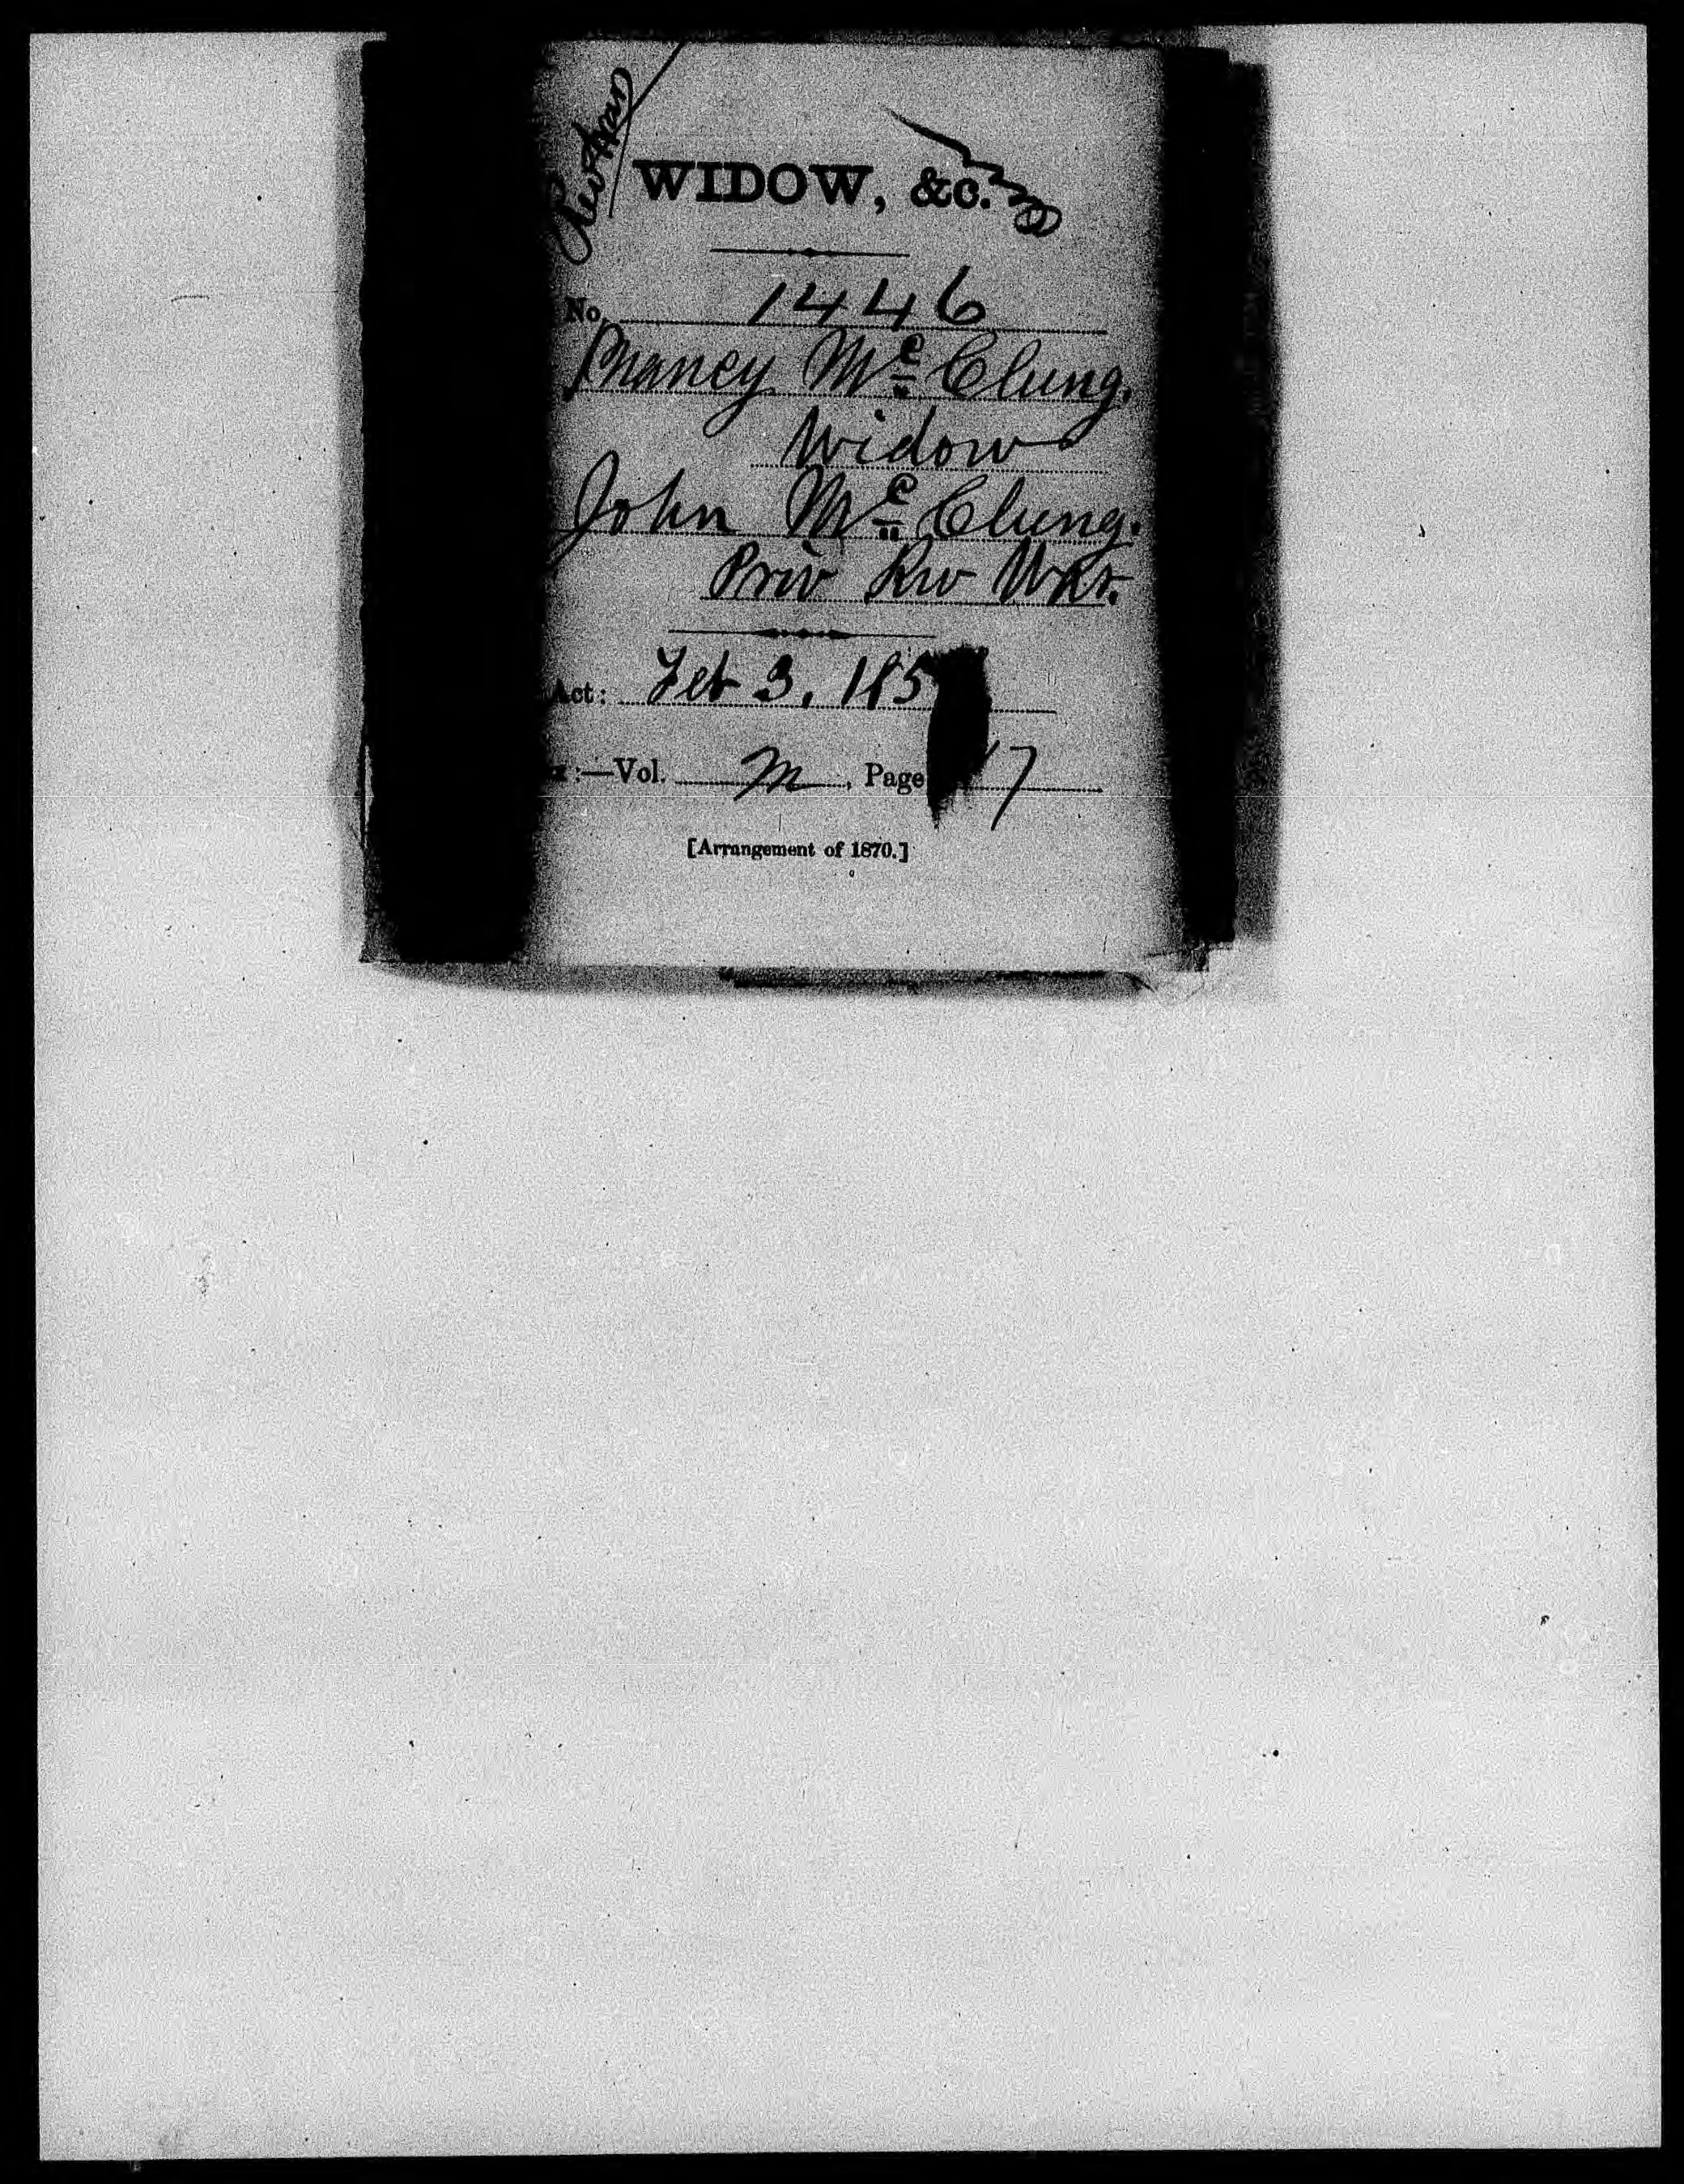Revolution 
WIDOW, &c.
_______
No. 1446,
Nancy Mc Clung
Widow
John McClung.
Priv Rev War.
__________
Act: Feb 3, 1857
x: -- Vol. M Page 17
[Arrangement of 1870.]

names: John Mc Clung; Nancy Mc Clung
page: 47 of 115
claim: widow's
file: W. 1446, for John Mc Clung, South Carolina